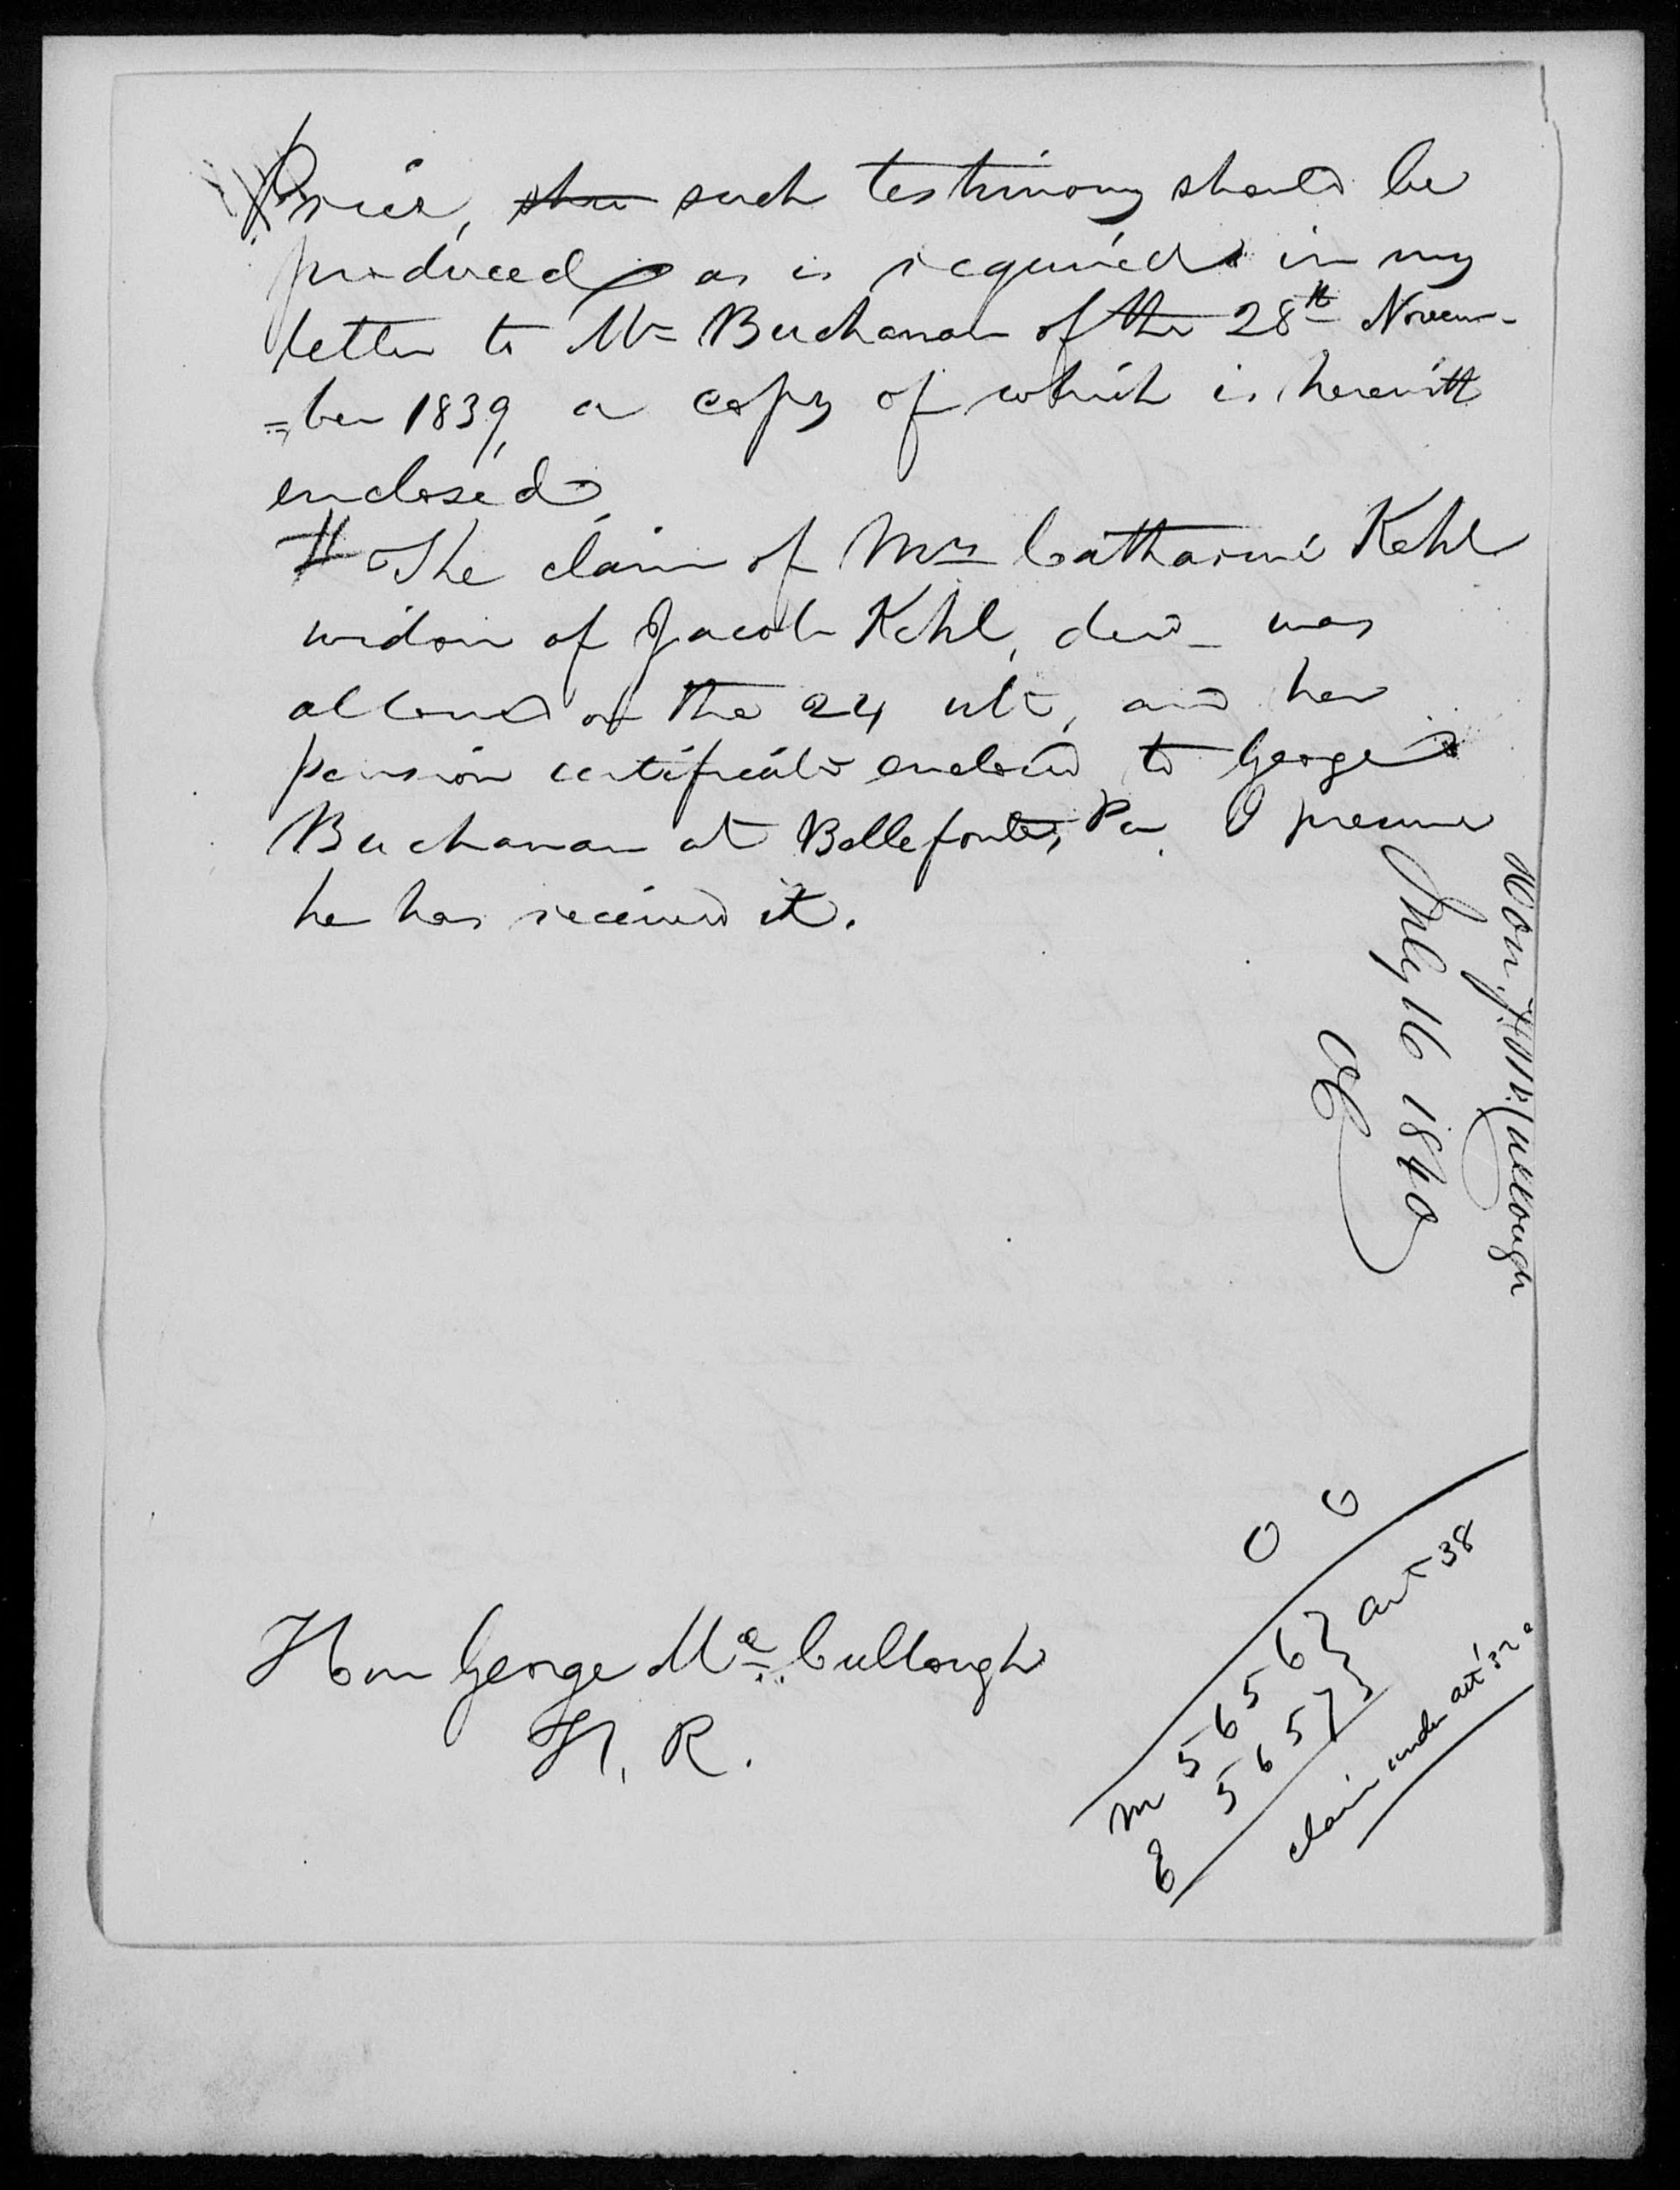Prior (word crossed out) such testimony should be preceded as in required in my letter to Mr. Buchanan of the 28th November. 1839, a copy of which in herewith enclosed. 
#The claim of Mrs. Catharine Kehl widow of Jacob Kehl, deceased was allowed on the 24 with, and her pension certificate endowed to George Buchanan at Bellefonte, Pa.  I presume he has received it.
Along the right side of the page and vertically written: Hon. G McCullough
July 16 1840    OC
Along the bottom of the page written:
Hon George McCullough
T R
Along the right bottom corner was written
OG
————————————-
M 5656 } out 38
& 5657 }  
————————————-
Claim under out’37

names: George Mc Cullough, George Buchanan, Catharine Kehl, Jacob Kehl, Price, Buchanan, G Mc Cullough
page: 25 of 80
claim: widow's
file: W. 24117, John Elder, Penn.